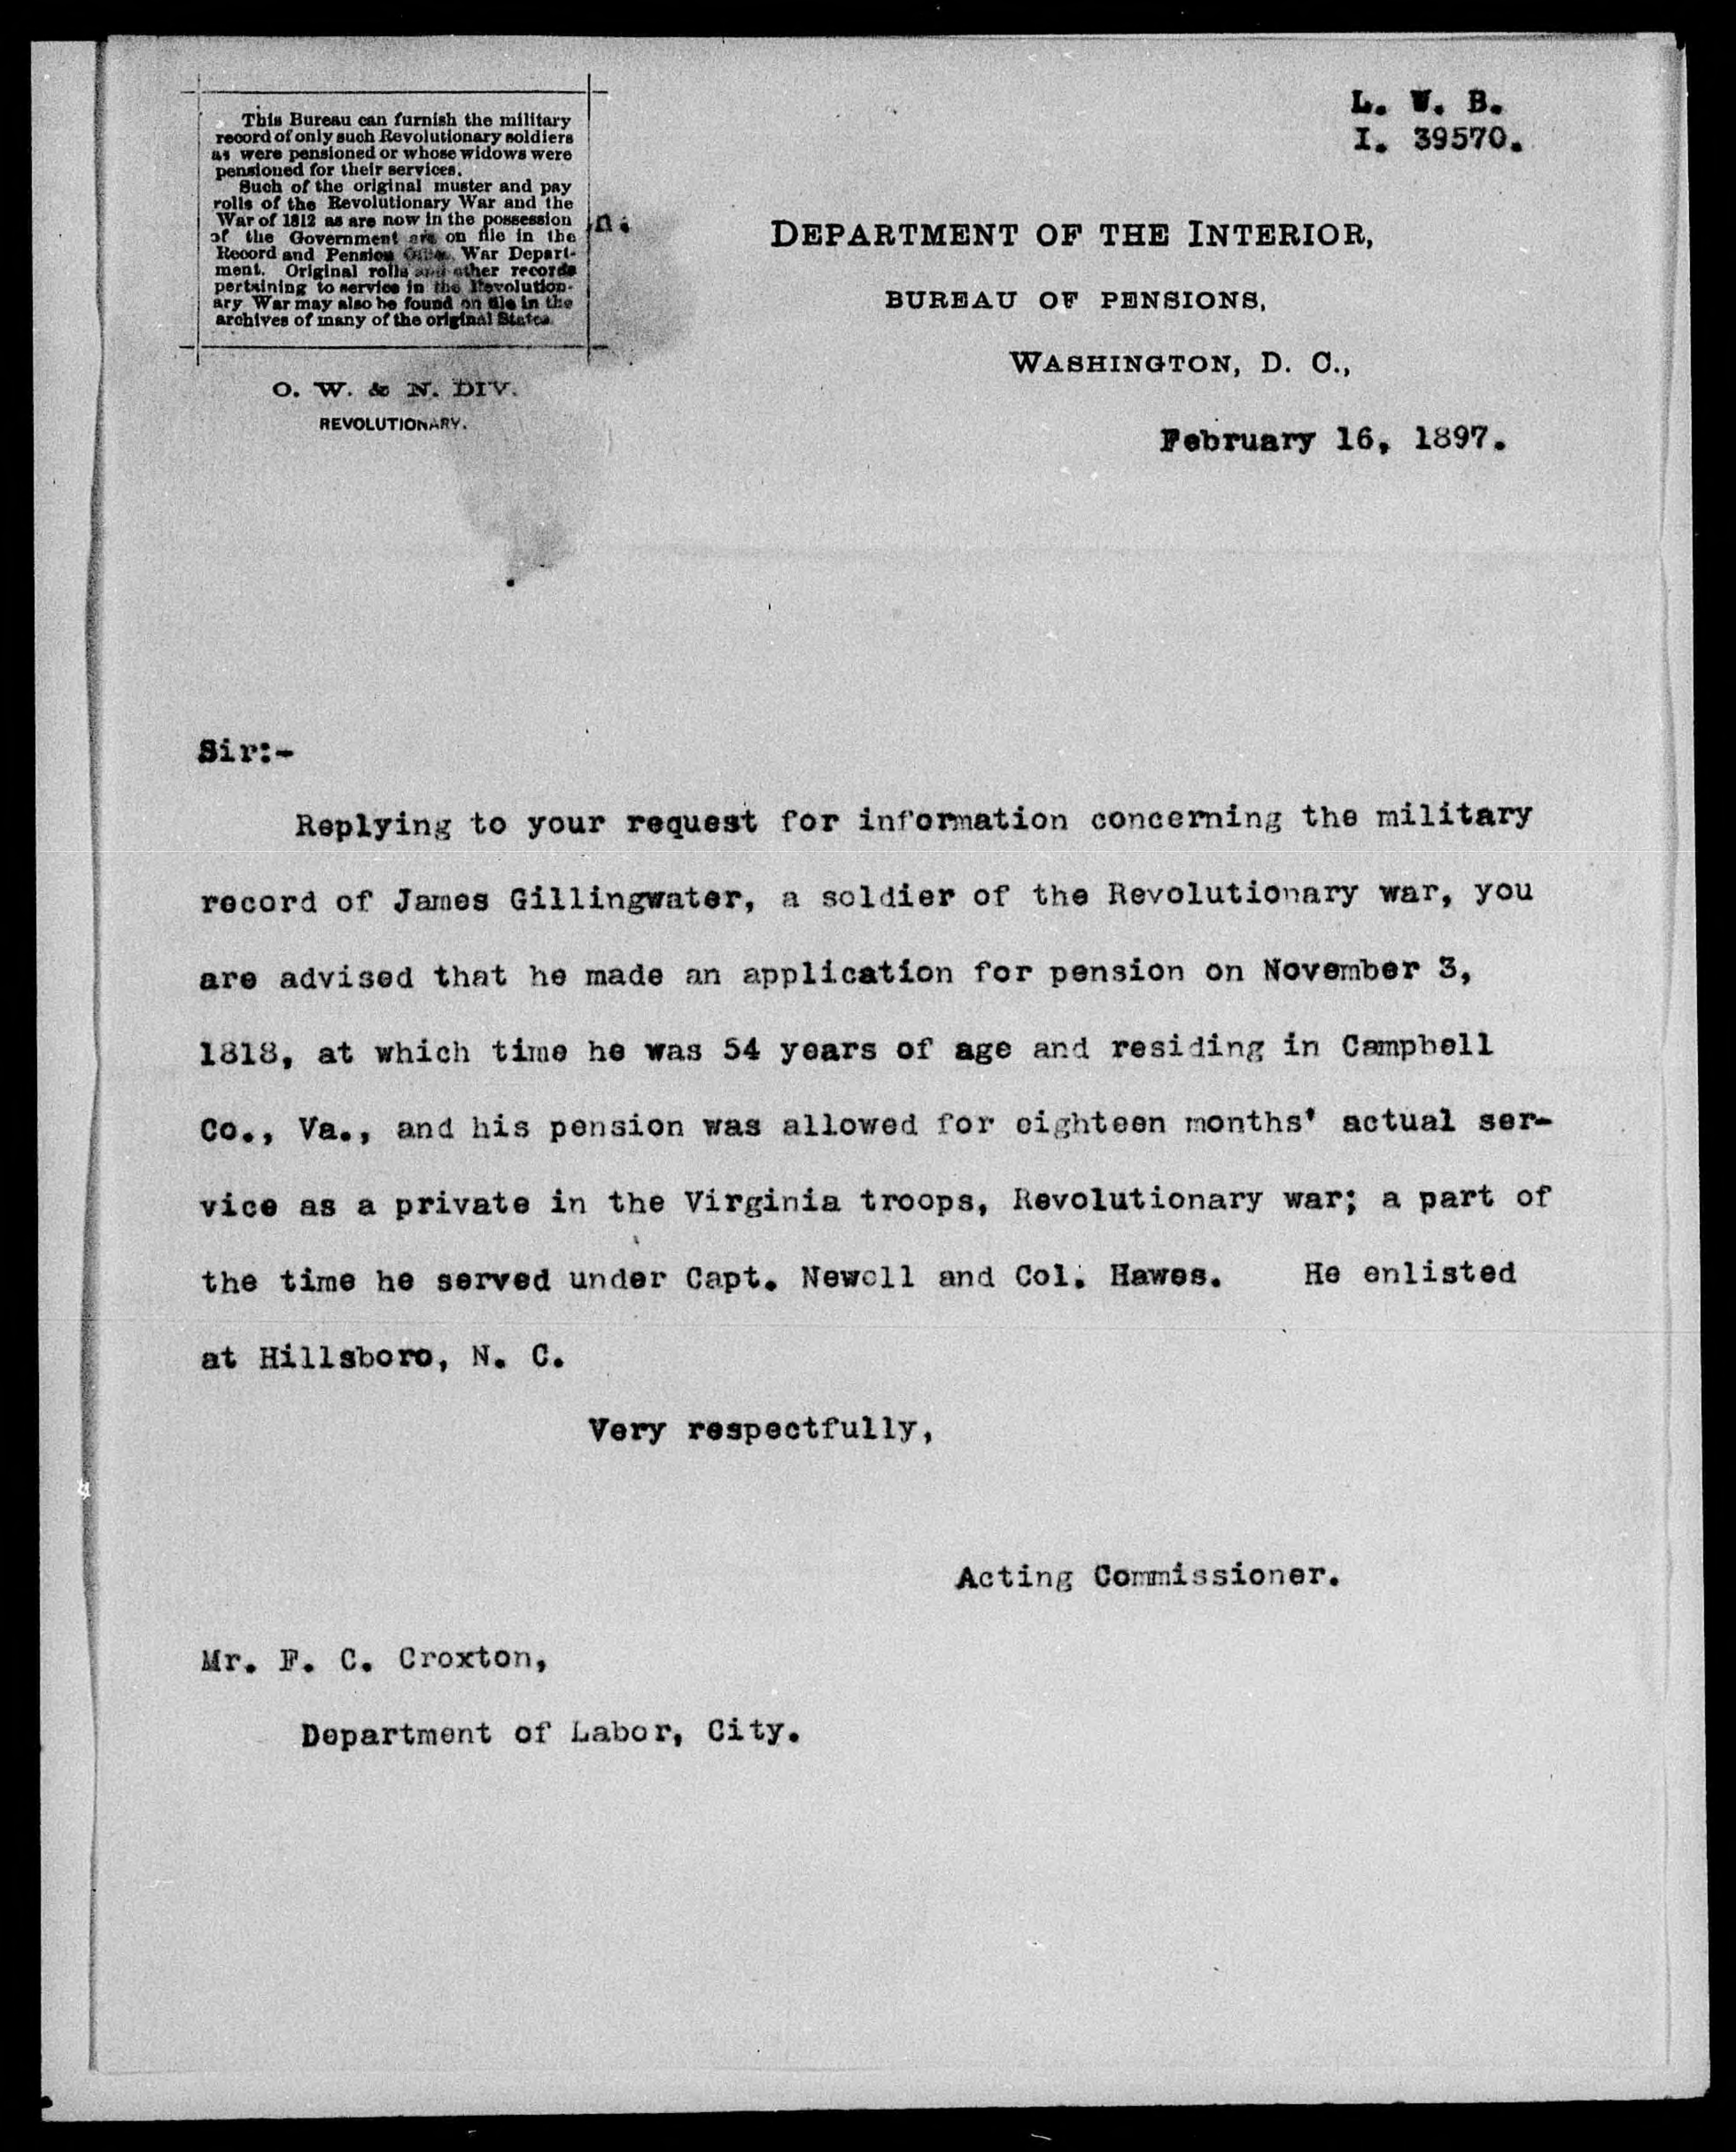L. W. B.
I. 39570.

[In a box at the top left corner. "This Bureau can furnish the military record of only such Revolutionary soldiers as were pensioned or whose widows were pensioned for their services. Such of the original muster and pay rolls of the Revolutionary War and the War of 1812 as are now in the possession of the Government are on file in the Record and Pension Office War Department. Original rolls and other records pertaining to service in the Revolutionary War may also be found on file in the archives of many of the original States."]
O. W. & N. DIV.
REVOLUTIONARY.

DEPARTMENT OF THE INTERIOR,
BUREAU OF PENSIONS,
WASHINGTON, D.C.,
February 16, 1897.

Sir:-
Replying to your request for information concerning the military record of James Gillingwater, a soldier of the Revolutionary war, you are advised that he made an application for pension on November 3, 1818, at which time he was 54 years of age and residing in Campbell Co., Va., and his pension was allowed for eighteen months' actual service as a private in the Virginia troops, Revolutionary war; a part of the time he served under Capt. Newell and Col. Hawes. He enlisted at Hillsboro, N. C. 
Very respectfully,
Acting Commissioner.

Mr. F. C. Croxton,
Department of Labor, City.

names: Newell, F C Croxton, James Gillingwater, Hawes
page: 33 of 36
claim: survivor's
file: S. 39570, James Gillingwater, Va.